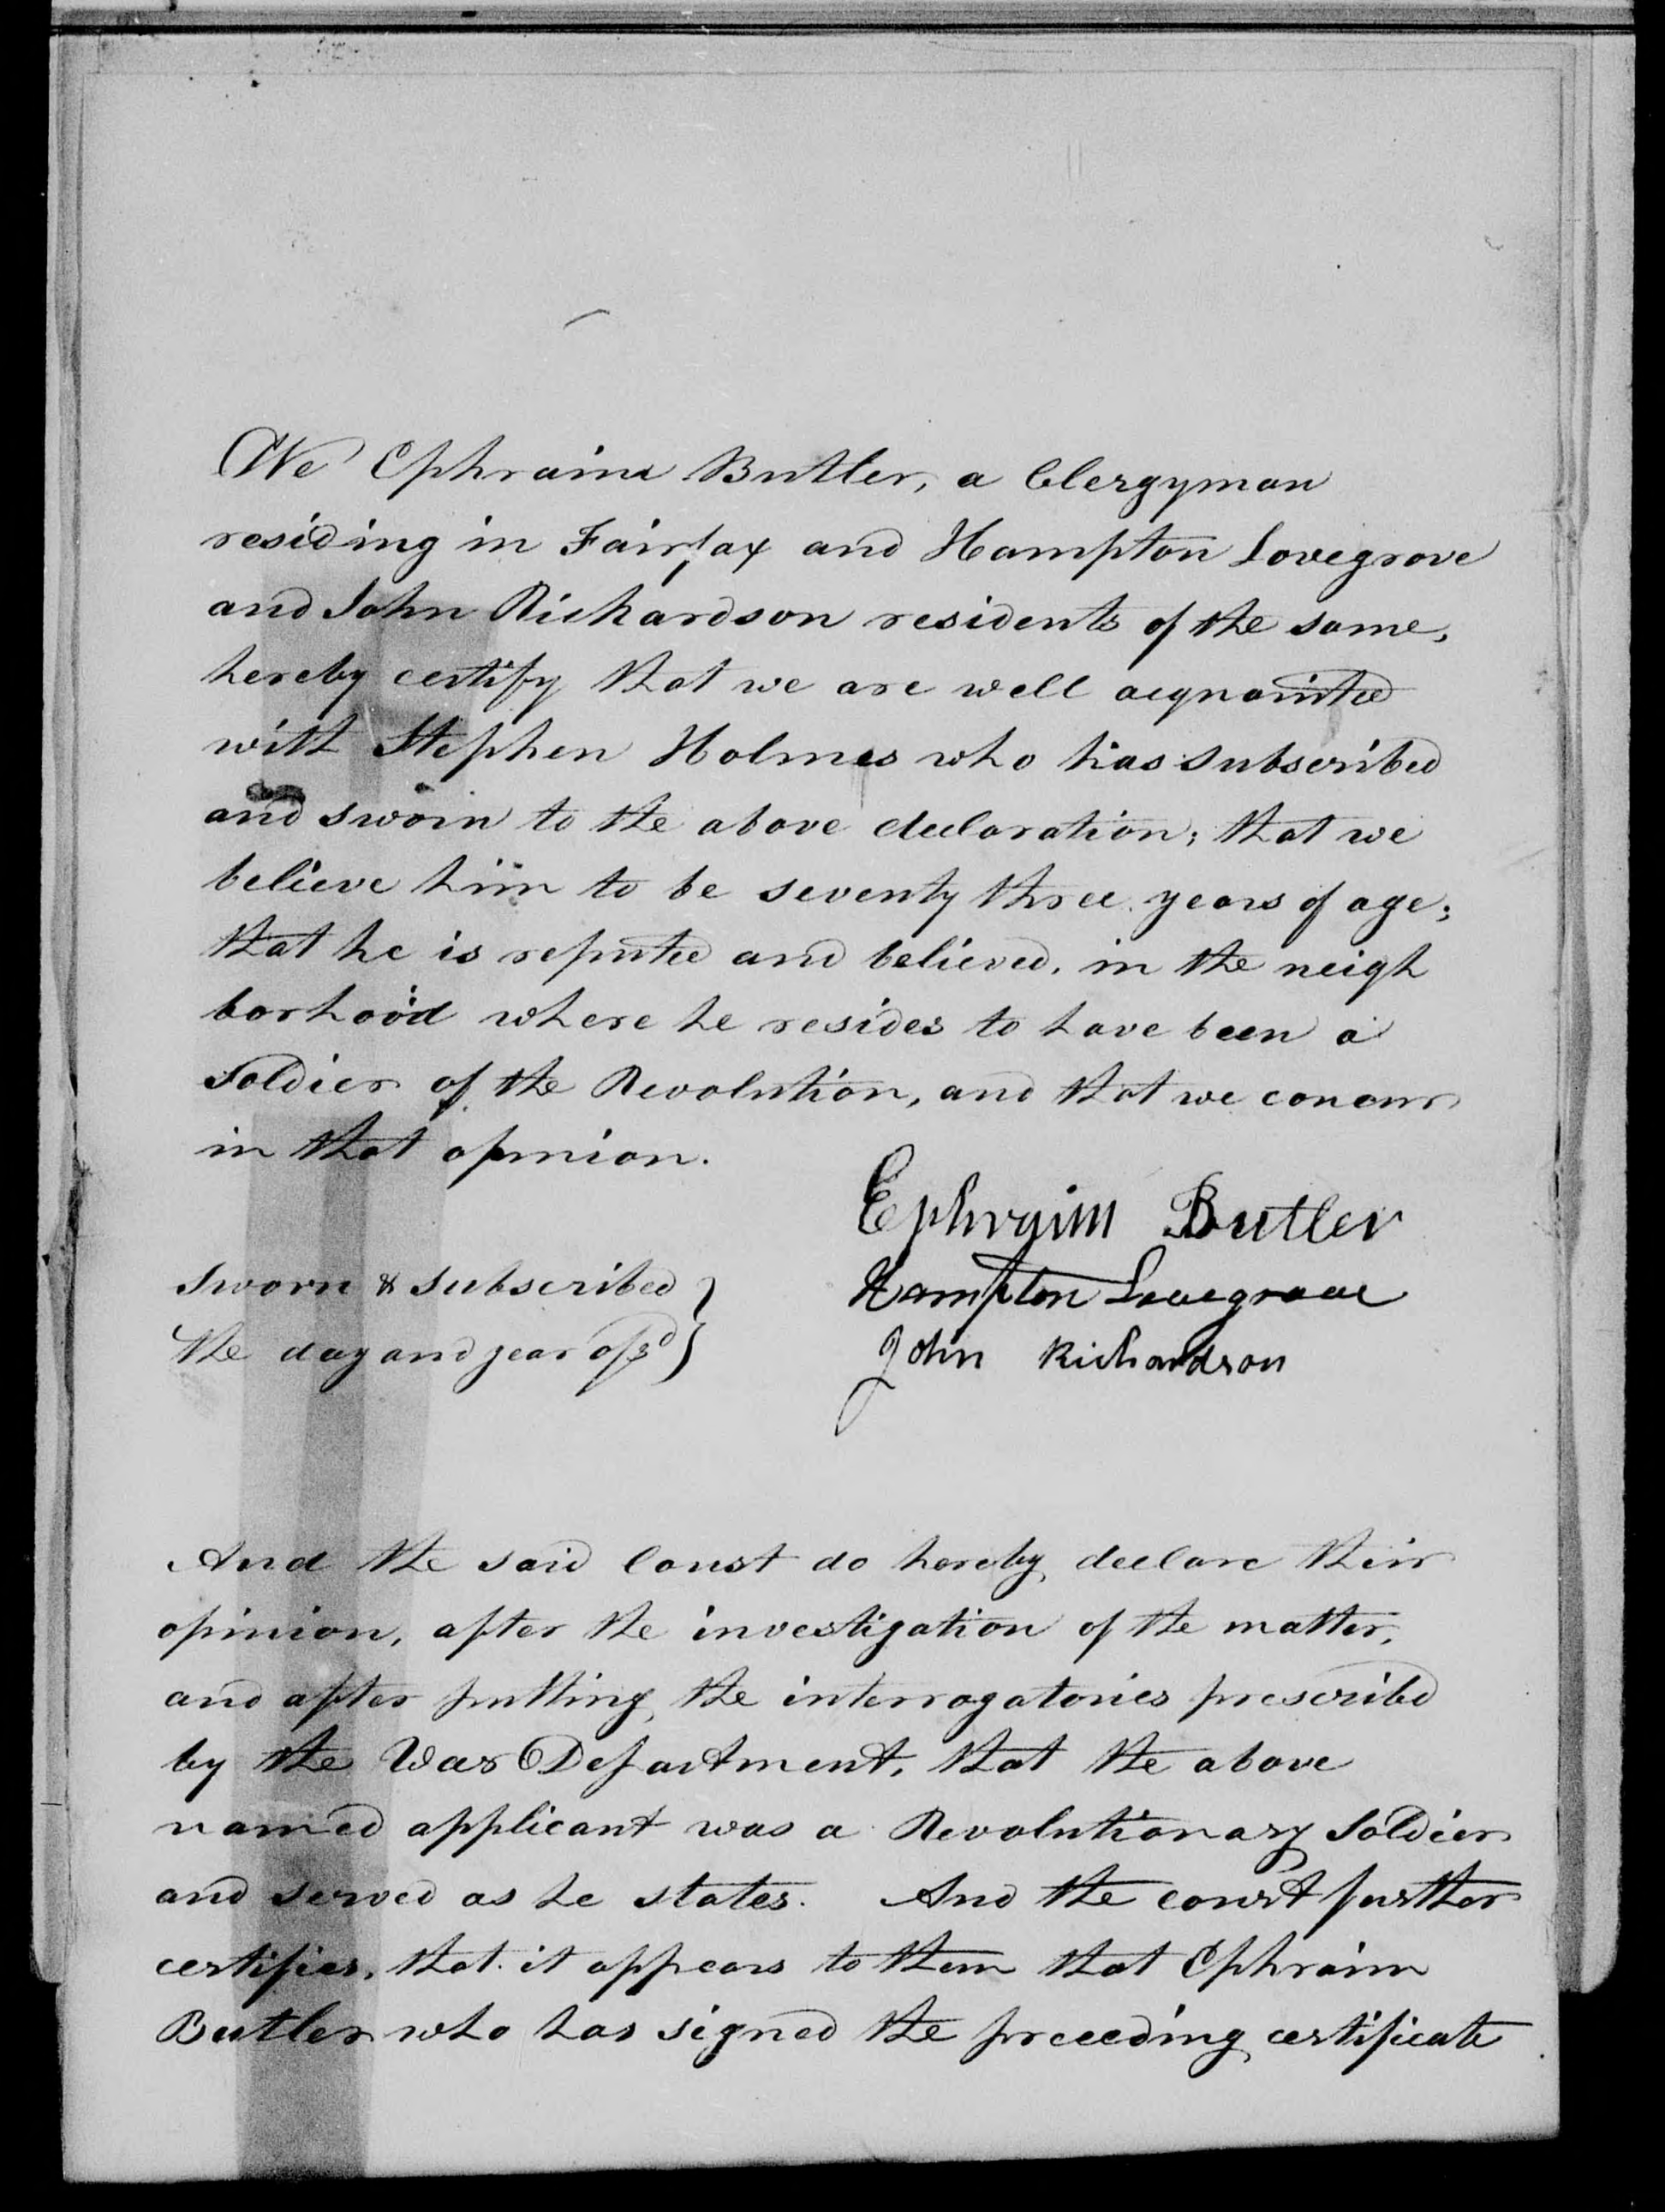We Ephraim Butler, a Clergyman residing in Fairfax and Hampton Lovegrove and John Richardson residents of the same, herby certify that we are well acquainted with Stephen Holmes who has subscribed and sworn to the above declaration, that we believe him to be seventy three years of age; that he is reputed and believed, in the neighborhood where he resides to have been a soldier of the Revolution, and that we can own in that opinion.

Sworn & subscribed the day and year afsd

Ephraim Butler
Hampton Lovegrove
John Richardson

And the said court do hereby declare their opinion, after the investigation of the matter, and after putting the interrogatories prescribd by the War Department, that the above named applicant was a Revolutionary Soldier and served as he states. And the court further certifies, that it appears to them that Ephraim Butler who has signed the preceding certificate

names: Stephen Holmes, Ephraim Butler, John Richardson, Hampton Lovegrove, Hampton Lovegrove, John Richardson, Ephraim Butler, Ephraim Butler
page: 11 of 72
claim: widow's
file: W. 7771, Stephen Holmes, Vt.